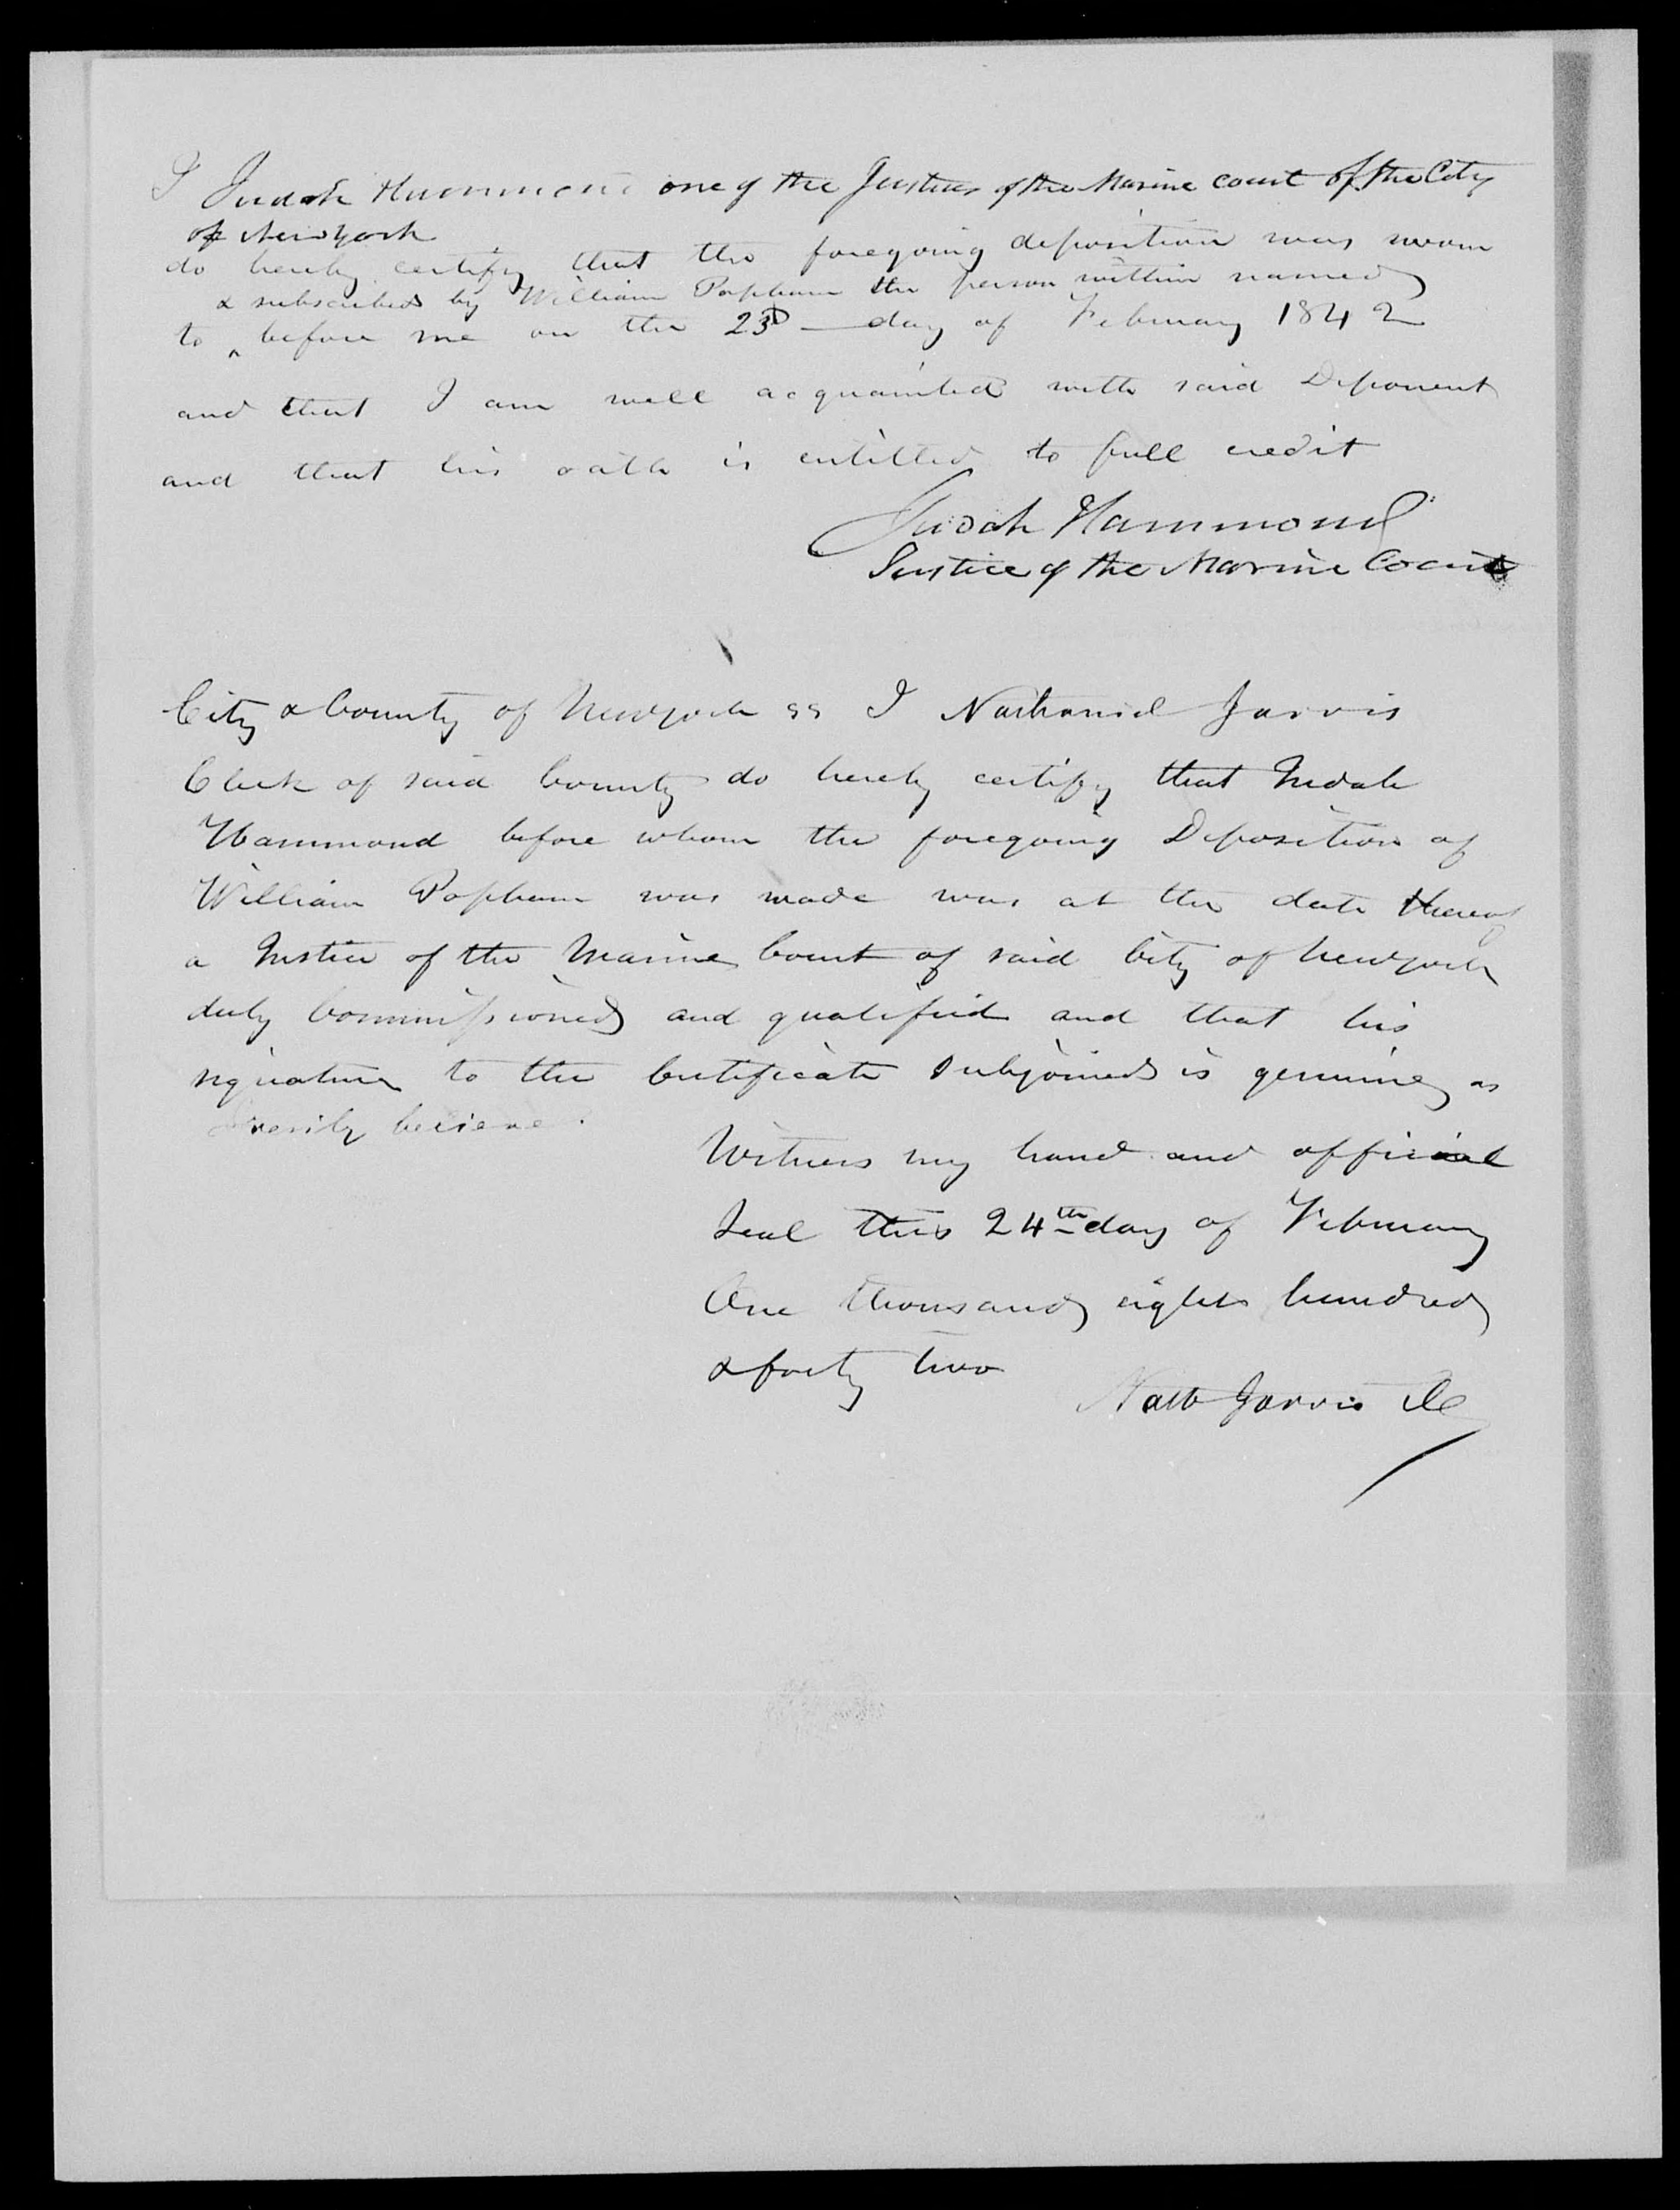I Judah Hammond one of the Justices of the Marine Court of the City of
New York
do hereby certify that the foregoing deposition was sworn
& subscribed by William Popham the person within named
to ^ before me on the 23d day of February 1842
and that I am
will acquainted with said Deponent
and that his oath is entitled to full credit
Judah Hammond
Justice of the Marine Court
City & County of New York SS I Nathaniel Jarvis
Clerk of said County do hereby certify
that Judah
Hammond before whom the foregoing Deposition of
William Popham was made was at the date thereof
a Justice of the Maine Court of said City of New York
duly commissioned and qualified and that his
signature to the Certificate subjoined is genuine as
verily believe
Witness my hand and official
Seal this 24th day of February
One thousand eight hundred
& forty two
Nath Jarvis Cle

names: Nathaniel Jarvis; Judah Hammond; William Popham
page: 50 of 75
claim: survivor's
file: S. 9989, for William Popham, Delaware